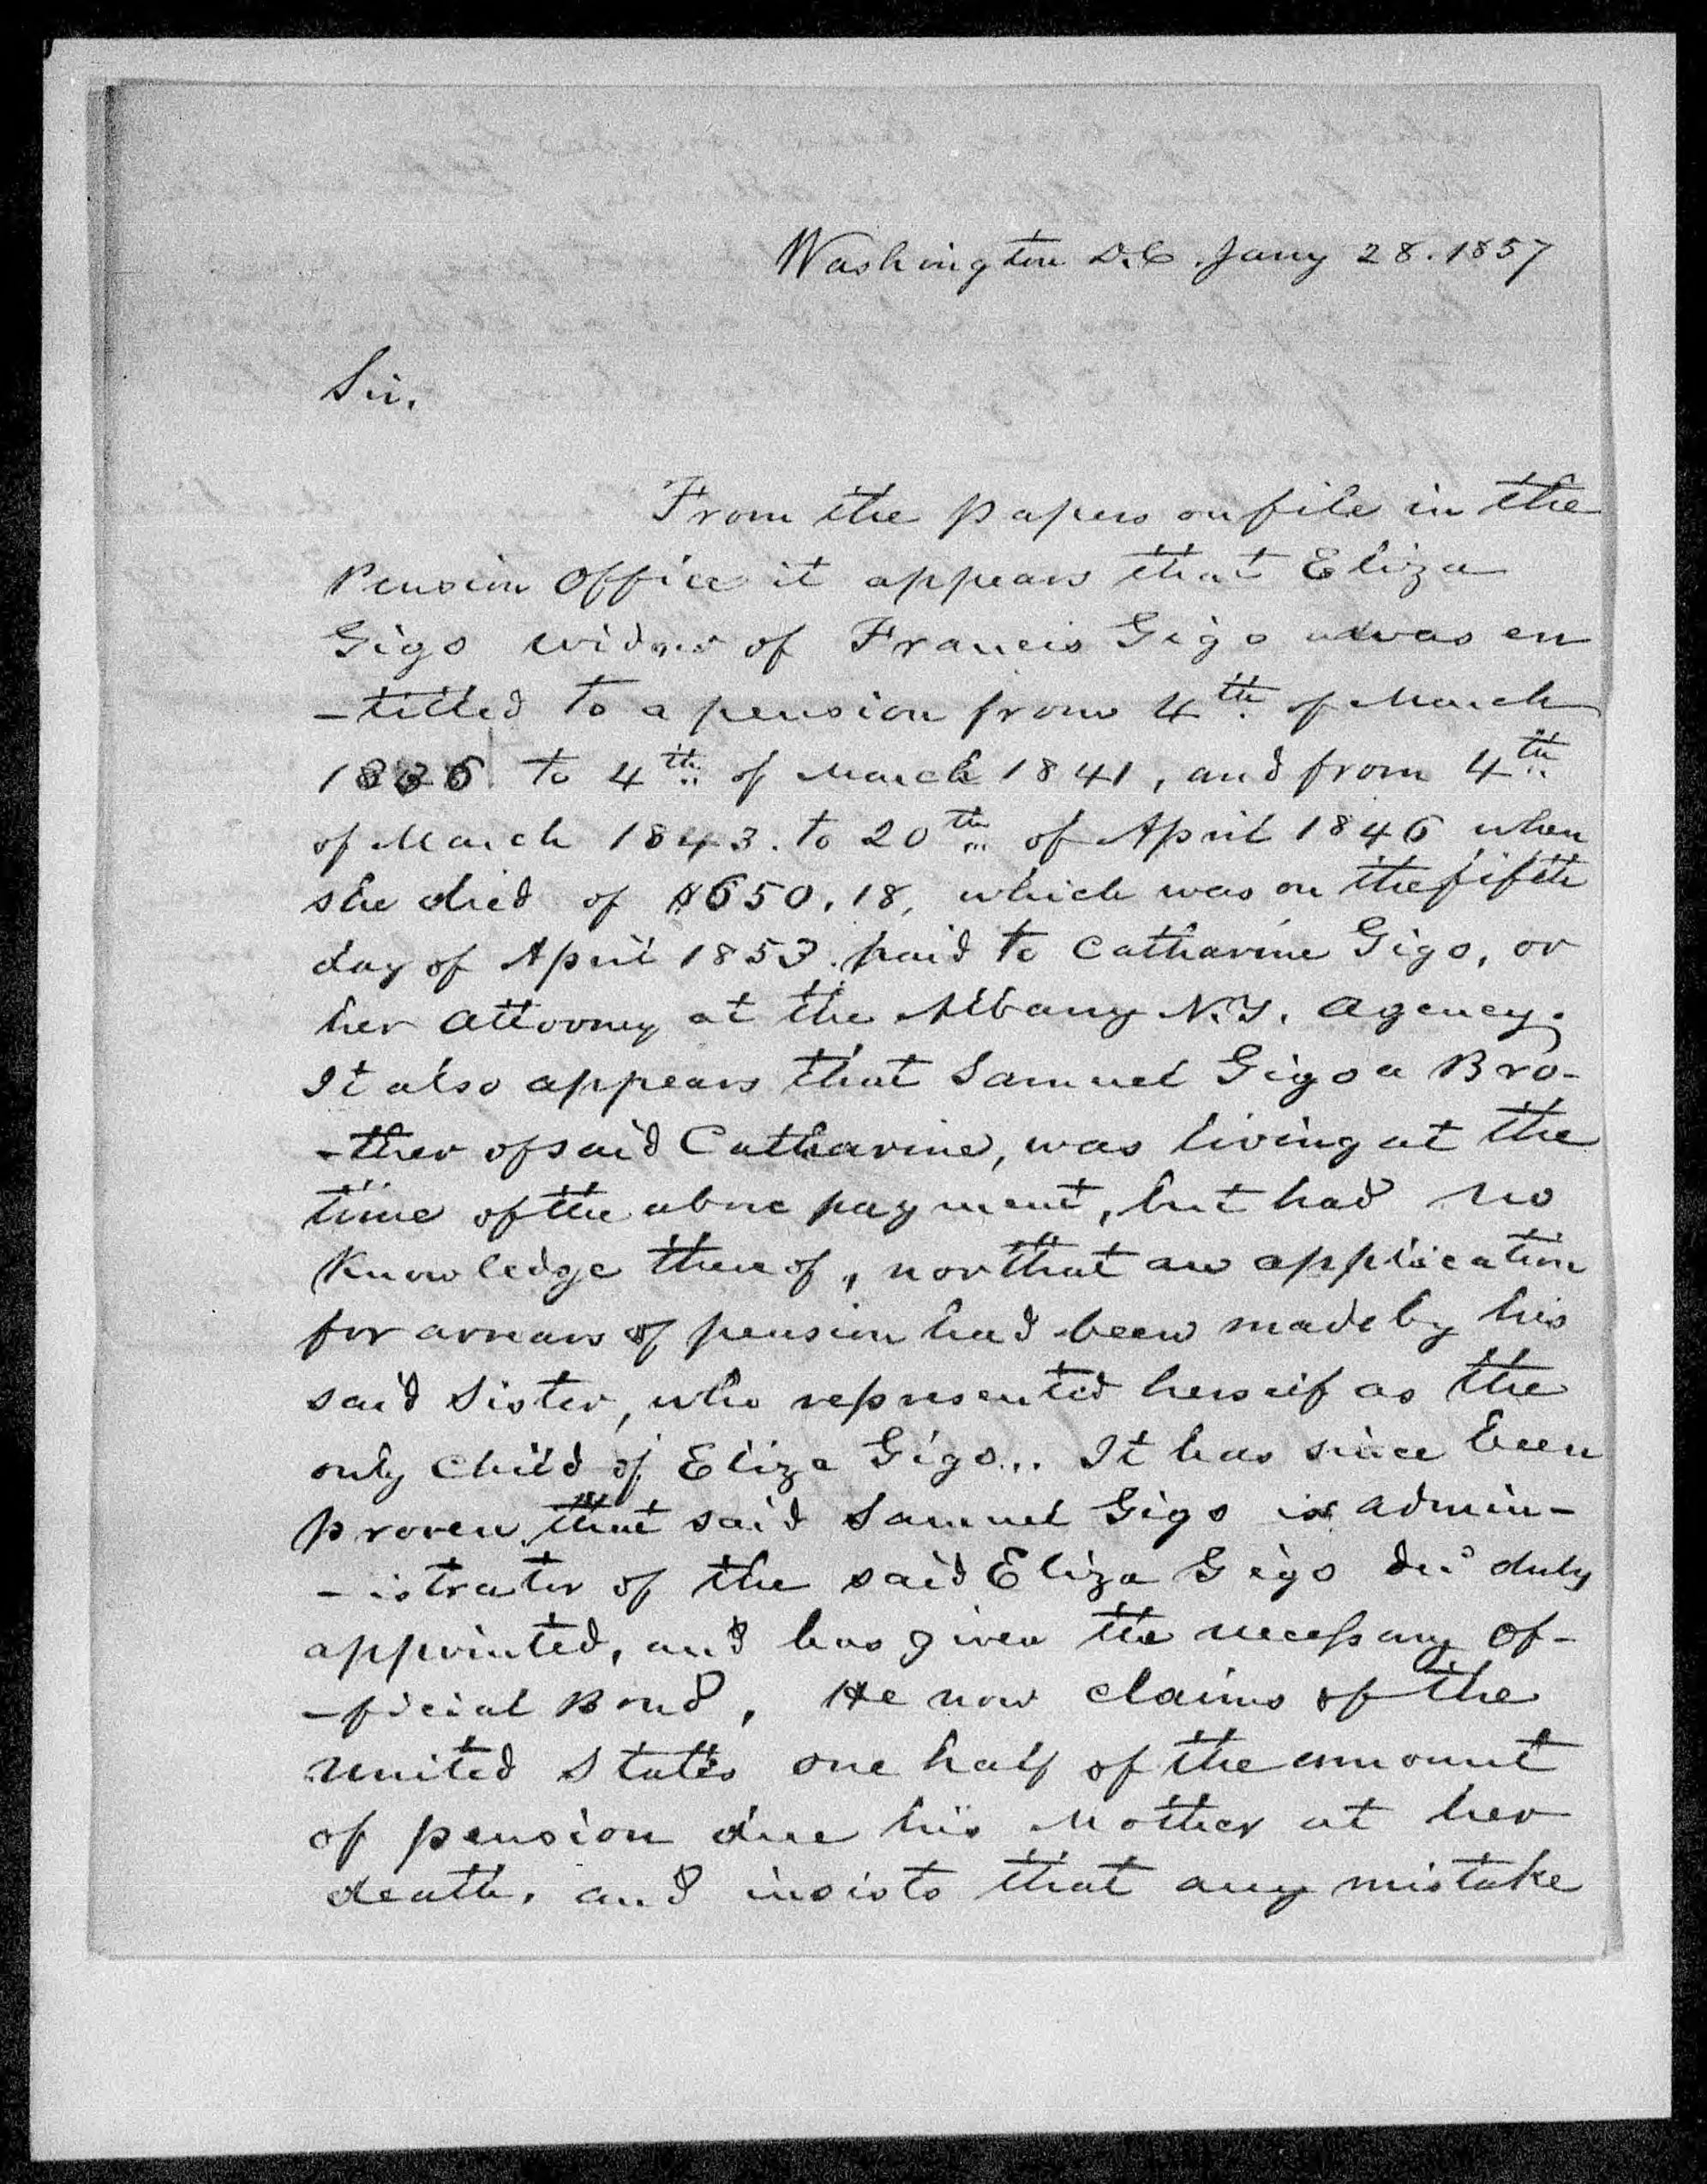Washington D.C. Jany 28, 1857

Sir,
   From the papers on file in the Pension Office it appears that Eliza Gigo widow of Francis Gigo was entitled to a pension from 4th of March 1835 to 4th of March 1841, and from 4th of March 1843 to 2th of April 1846 when she died of $650.18, which was on the fifth day of April 1853, paid to Catharine Gigo, or her attorney at the Albany N.Y. agency.
   It also appears that Samuel Gigo a Brother of said Catharine, was living at the time of the above payment, but had no knowledge thereof, nor that an application for arrears of pension had been made by his said Sister, who represented herself as the only child of Eliza Gigo..  It has since been proven that said Samuel Gigo is administrator of the said Eliza Gigo decd duly appointed, and has given the necessary official Bond. He now claims of the United States one half of the amount of pension due his mother at her death, and insists that any mistake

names: Samuel Gigo, Eliza Gigo, Francis Gigo, Eliza Gigo, Catharine Gigo, Catharine, Eliza Gigo, Samuel Gigo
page: 67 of 98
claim: widow's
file: W. 21182, Francis Gigo, Continental (Canadian)